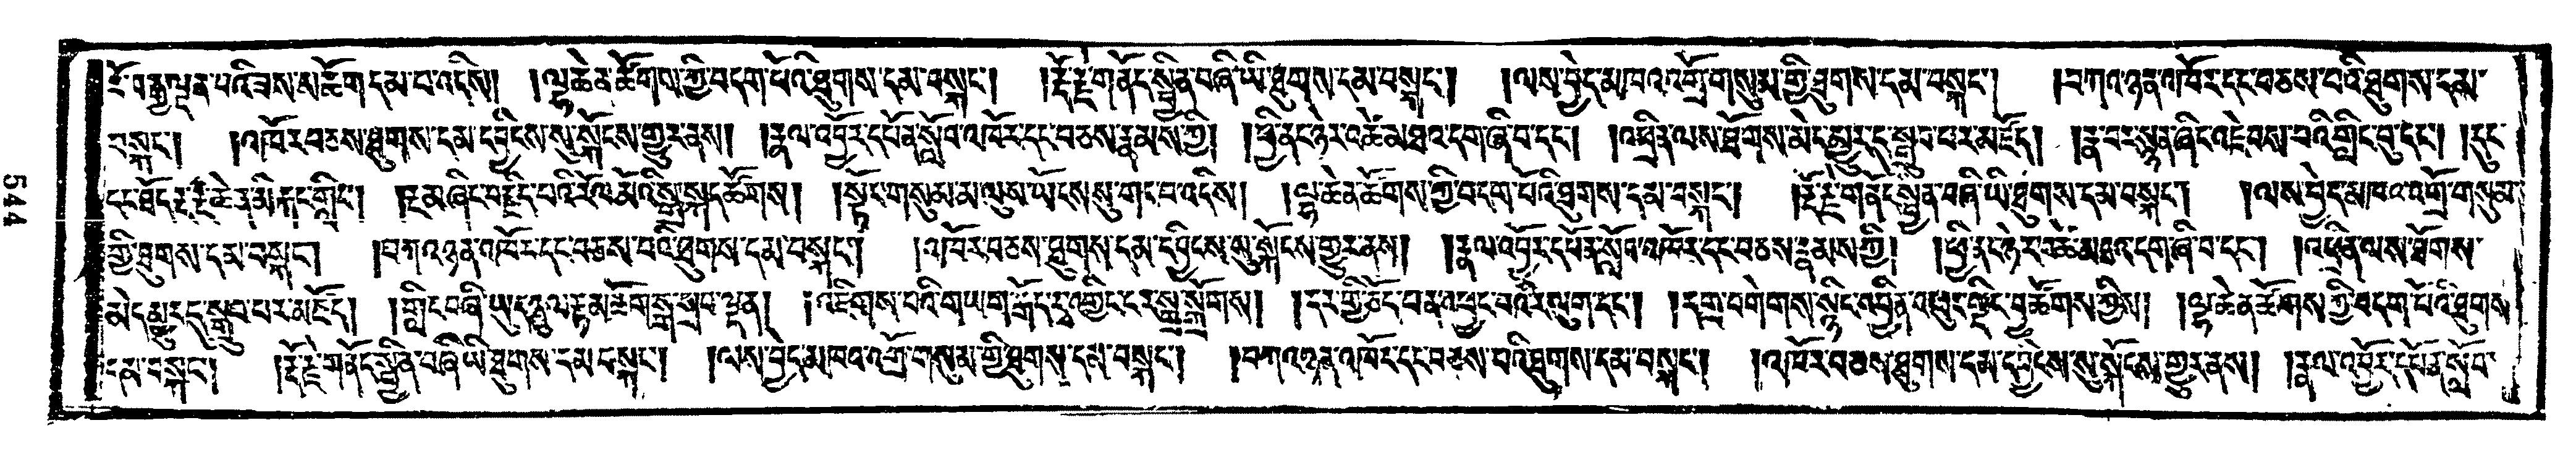རོ་བརྒྱ་ལྡན་པའི་ཟས་མཆོག་དམ་པ་འདིས། །ལྷ་ཆེན་ཚོགས་ཀྱི་བདག་པོའི་ཐུགས་དམ་བསྐང་། །རྡོ་རྗེ་གནོད་སྦྱིན་བཞི་ཡི་ཐུགས་དམ་སྐངས། །ལས་བྱེད་མཁའ་འགྲོ་གསུམ་གྱི་ཐུགས་དམ་བསྐངས། །བཀའ་ཉན་འཁོར་དང་བཅས་བའི་ཐུགས་དམ་
བསྐང་། །འཁོར་བཅས་ཐུགས་དམ་དབྱིངས་སུ་སྐོངས་གྱུར་ནས། །རྣལ་འབྱོར་དཔོན་སློབ་འཁོར་དང་བཅས་རྣམས་ཀྱི། །ཕྱི་ནང་ཉེར་འཚེ་མཐའ་དག་ཞི་བ་དང་། །འཕྲིན་ལས་ཐོགས་མེད་མྱུར་དུ་སྒྲུབ་པར་མཛོད། །རྣ་བར་སྙན་ཞིང་འཇེབས་བའི་གླིང་བུ་དང་། །དུང་
དང་ཐོད་རྔ་རྔ་ཆེན་མི་རྐང་གླིང་། །རྔམ་ཞིང་བརྗིད་པའི་རོལ་མོའི་སྒྲ་སྐད་ཚོགས། །སྟོང་གསུམ་མ་ལུས་ཡོངས་སུ་གང་བ་འདིས། །ལྷ་ཆེན་ཚོགས་ཀྱི་བདག་པོའི་ཐུགས་དམ་སྐང་། །རྡོ་རྗེ་གནོད་སྦྱིན་བཞི་ཡི་ཐུགས་དམ་སྐང་། །ལས་བྱེད་མཁའ་འགྲོ་གསུམ་
གྱི་ཐུགས་དམ་བསྐང་། །བཀའ་ཉན་འཁོར་དང་བཅས་བའི་ཐུགས་དམ་བསྐང་། །འཁོར་བཅས་ཐུགས་དམ་དབྱིངས་སུ་སྐོངས་གྱུར་ནས། །རྣལ་འབྱོར་དཔོན་སློབ་འཁོར་དང་བཅས་རྣམས་ཀྱི། །ཕྱི་ནང་ཉེར་བ་ཚེ་མཐའ་དག་ཞི་བ་དང་། །འཕྲིན་ལས་ཐོགས་
མེད་མྱུར་དུ་སྒྲུབ་པར་མཛོད། །གླིང་བཞི་ཡུད་ཉུལ་རྟ་མཆོག་སྒ་སྲབ་ལྡན། །འཇིགས་པའི་གཡག་རྒོད་རྭ་འགྱིང་ངར་སྒྲ་སྒྲོགས། །དར་གྱི་ཅོད་པ་ན་འཕྱང་བའི་ར་ལུག་དང་། །དགྲ་བགེགས་སྙིང་འབྱིན་འཕུར་ལྡིང་བྱ་ཚོགས་ཀྱིས། །ལྷ་ཆེན་ཚོགས་ཀྱི་བདག་པོའི་ཐུགས་
དམ་བསྐང་། །རྡོ་རྗེ་གནོད་སྦྱིན་བཞི་ཡི་ཐུགས་དམ་བསྐངས། །ལས་བྱེད་མཁའ་འགྲོ་གསུམ་གྱི་ཐུགས་དམ་བསྐང་། །བཀའ་ཉན་འཁོར་དང་བཅས་པའི་ཐུགས་དམ་བསྐང་། །འཁོར་བཅས་ཐུགས་དམ་དབྱིངས་སུ་སྐོངས་གྱུར་ནས། །རྣལ་འབྱོར་དཔོན་སློབ་